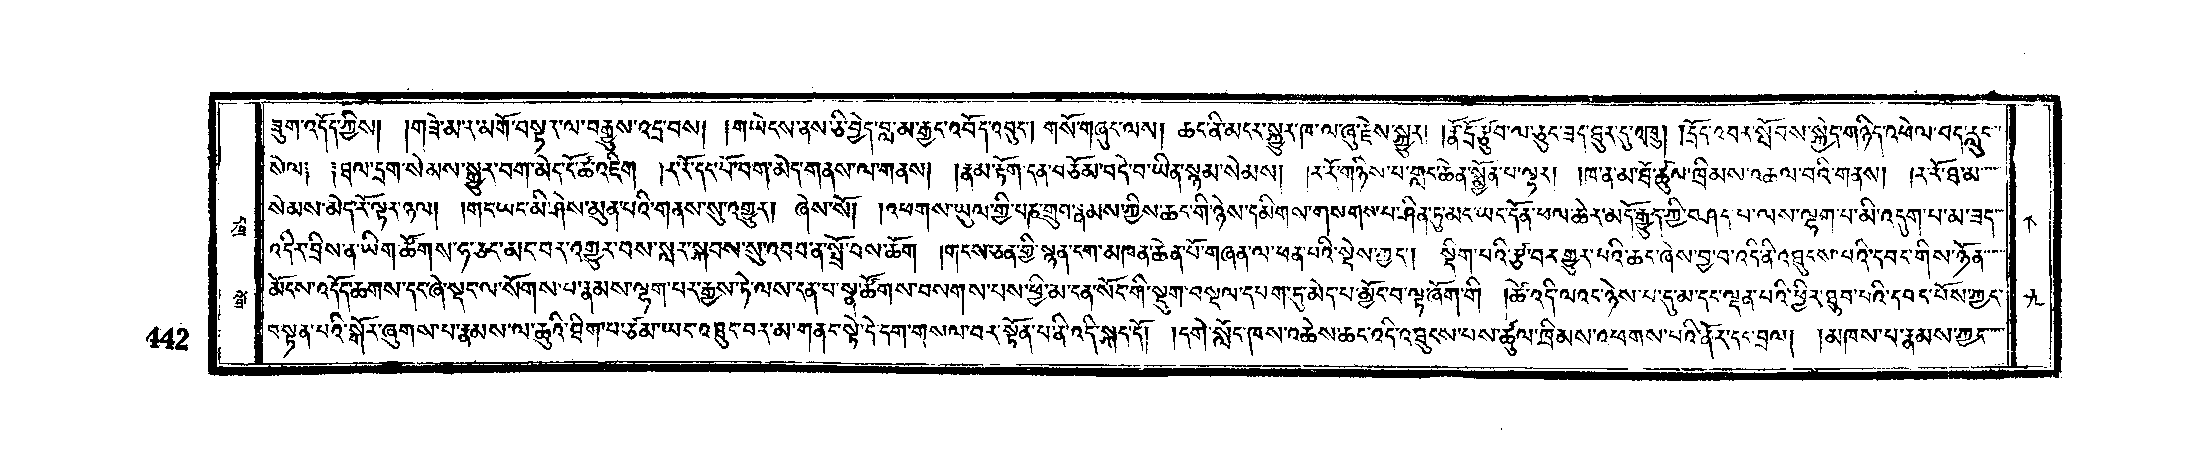ཟུག་འདོད་ཀྱིས། །གཟེ་མ་ར་མགོ་བསྟར་ལ་བརྒྱུས་འདྲ་བས། །གཡེངས་ནས་ཅི་བྱེད་བླ་མ་རྒྱང་འབོད་འབུང་། གསོ་གཞུང་ལས། ཆང་ནི་མངར་སྐྱུར་ཁ་ལ་ཞུ་རྗེས་སྐྱུར། །རྣོ་དྲོ་རྩུབ་ལ་ཅུང་ཟད་ཐུར་དུ་འཁྲུ། །དྲོད་འབར་སྤོབས་སྐྱེད་གཉིད་འཕེལ་བད?་རླུང་
སེལ༑ ༑ཐལ་དྲག་སེམས་སྒྱུར་བག་མེད་ངོ་ཚ་འཇིག །ར་རོ་དང་པོ་བག་མེད་གནས་ལ་གནས། །རྣམ་རྟོག་ངན་བཅོམ་བདེ་བ་ཡིན་སྙམ་སེམས། །ར་རོ་གཉིས་པ་གླང་ཆེན་སྨྱོན་པ་ལྟར། །ཁ་ན་མ་ཐོ་ཚུལ་ཁྲིམས་འཆལ་བའི་གནས། །ར་རོ་ཐ་མ་
སེམས་མེད་རོ་ལྟར་ཉལ། །གང་ཡང་མི་ཤེས་མུན་པའི་གནས་སུ་འགྱུར། ཞེས་སོ། །འཕགས་ཡུལ་གྱི་པཎ་གྲུབ་རྣམས་ཀྱིས་ཆང་གི་ཉེས་དམིགས་གསགས་པ་ཤིན་ཏུ་མང་ཡང་དོན་ཕལ་ཆེར་མདོ་རྒྱུད་ཀྱི་བཤད་པ་ལས་ལྷག་པ་མི་འདུག་པ་མ་ཟད་
འདིར་བྲིས་ན་ཡིག་ཚོགས་ཧ་ཅང་མང་བར་འགྱུར་བས་སླར་སྐབས་སུ་འབབ་ན་སྤྲོ་བས་ཆོག །གངས་ཅན་གྱི་སྙན་ངག་མཁན་ཆེན་པོ་གཞན་ལ་ཕན་པའི་སྡེས་ཀྱང་། སྡིག་པའི་རྩ་བར་གྱུར་པའི་ཆང་ཞེས་བྱ་བ་འདི་ནི་འཐུངས་པའི་དབང་གིས་ཉོན་
མོངས་འདོད་ཆགས་དང་ཞེ་སྡང་ལ་སོགས་པ་རྣམས་ལྷག་པར་རྒྱས་ཏེ་ལས་ངན་པ་སྣ་ཚོགས་བསགས་པས་ཕྱི་མ་ངན་སོང་གི་སྡུག་བསྔལ་དཔག་ཏུ་མེད་པ་མྱོང་བ་ལྟ་ཞོག་གི །ཚེ་འདི་ལའང་ཉེས་པ་དུ་མ་དང་ལྡན་པའི་ཕྱིར་ཐུབ་པའི་དབང་པོས་ཀྱང་
བསྟན་པའི་སྒོར་ཞུགས་པ་རྣམས་ལ་ཆུའི་ཐིག་པ་ཙམ་ཡང་འཐུང་བར་མ་གནང་སྟེ་དེ་དག་གསལ་བར་སྟོན་པ་ནི་འདི་སྐད་དོ། །དགེ་སློང་ཁས་འཆེས་ཆང་འདི་འཐུངས་པས་ཚུལ་ཁྲིམས་འཕགས་པའི་ནོར་དང་བྲལ། །མཁས་པ་རྣམས་ཀྱང་